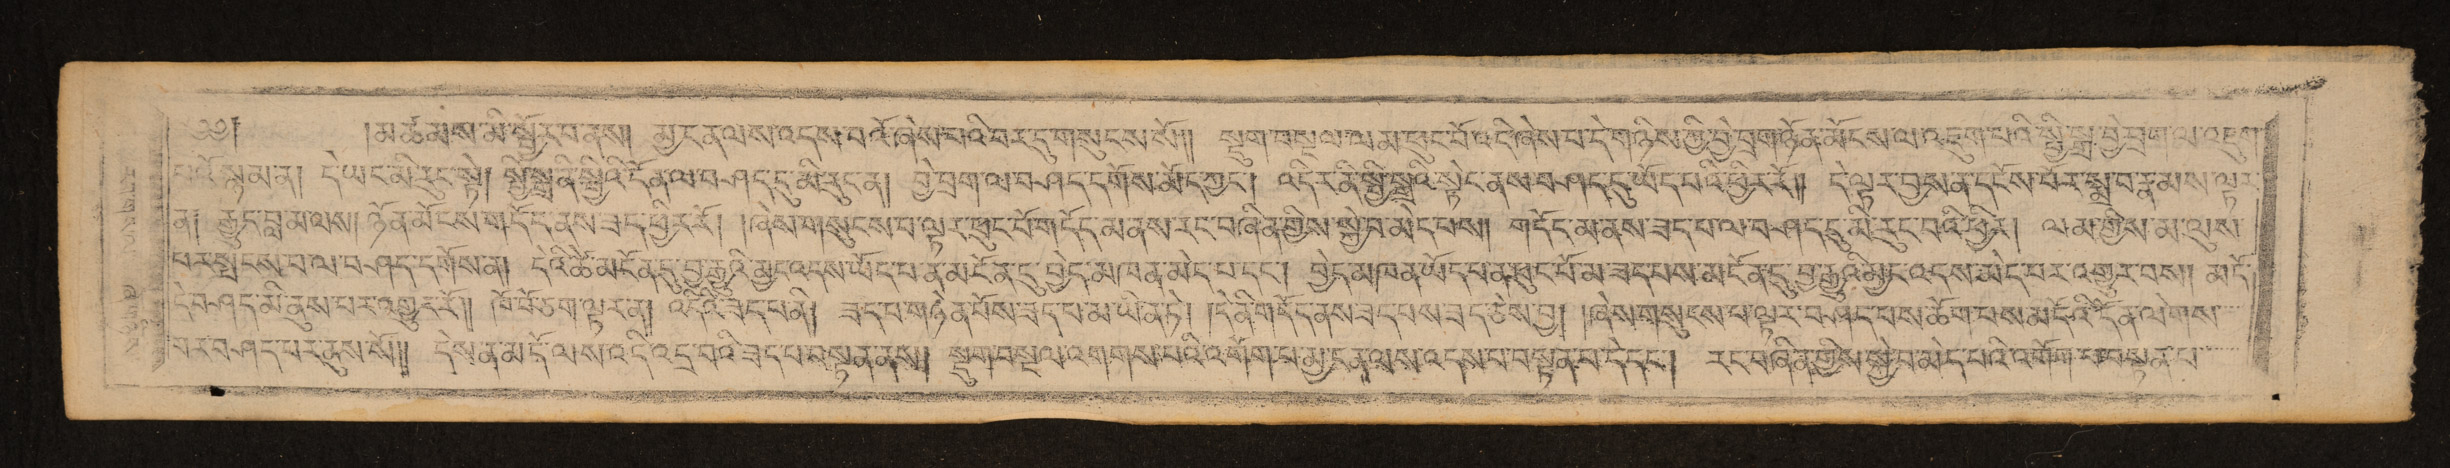མཚམས་མི་སྦྱོར་བ་ནས། མྱ་ངན་ལས་འདས་པའོ་ཞེས་པའི་བར་དུ་གསུངས་སོ།། སྡུག་བསྔལ་ལམ་ཕུང་པོ་འདི་ཞེས་པ་དེ་གཉིས་ཀྱི་བྱེ་བྲག་ཉོན་མོངས་ལ་འཇུག་པའི་སྤྱི་སྒྲ་བྱེ་བྲག་ལ་འཇུག་
པའོ་སྙམ་ན། དེ་ཡང་མི་རུང་སྟེ་སྤྱི་སྒྲ་ནི་སྤྱིའི་དོན་ལ་བཤད་དུ་མི་རུང་ན། བྱེ་བྲག་ལ་བཤད་དགོས་མོད་ཀྱང་། འདིར་ནི་སྤྱི་སྒྲའི་སྟེང་ནས་བཤད་དུ་ཡོད་པའི་ཕྱིར་རོ།། དེ་ལྟར་བྱས་ན་དངོས་པོར་སྨྲ་བ་རྣམས་ལྟར་
ན༑ རྒྱུད་བླ་མ་ལས། ཉོན་མོངས་གདོད་ནས་ཟད་ཕྱིར་རོ། །ཞེས་གསུངས་པ་ལྟར་ཕུང་པོ་གདོད་མ་ནས་རང་བཞིན་གྱིས་སྐྱེ་བ་མེད་པས། གདོད་མ་ནས་ཟད་པ་ལ་བཤད་དུ་མི་རུང་བའི་ཕྱིར། ལམ་གྱིས་མ་ལུས་
པར་སྤངས་པ་ལ་བཤད་དགོས་ན། དེའི་ཚེ་མངོན་དུ་བྱ་རྒྱུའི་མྱང་འདས་ཡོད་པ་ན་མངོན་དུ་བྱེད་མཁན་མེད་པ་དང་། བྱེད་མཁན་ཡོད་པ་ན་ཕུང་པོ་མ་ཟད་པས་མངོན་དུ་བྱ་རྒྱུའི་མྱང་འདས་མེད་པར་འགྱུར་བས། མདོ་
འདི་བཤད་མི་ནུས་པར་འགྱུར་རོ།། ཁོ་བོ་ཅག་ལྟར་ན། འདིའི་ཟད་པ་ནི། ཟད་པ་གཉེན་པོས་ཟད་པ་མ་ཡིན་ཏེ། དེ་ནི་གདོད་ནས་ཟད་པས་ཟད་ཅེས་བྱ། །ཞེས་གསུངས་པ་ལྟར་བཤད་པས་ཆོག་པས་མདོའི་དོན་ལེགས་
པར་བཤད་པར་ནུས་སོ།། དེས་ན་མདོ་ལས་འདི་འདྲ་བའི་ཟད་པ་བསྟན་ནས། སྡུག་བསྔལ་འགགས་པའི་འགོག་པ་མྱ་ངན་ལས་འདས་པ་བསྟན་པ་དེ་དང་། རང་བཞིན་གྱིས་སྐྱེ་བ་མེད་པའི་འགོག་པ་བསྟན་པ་